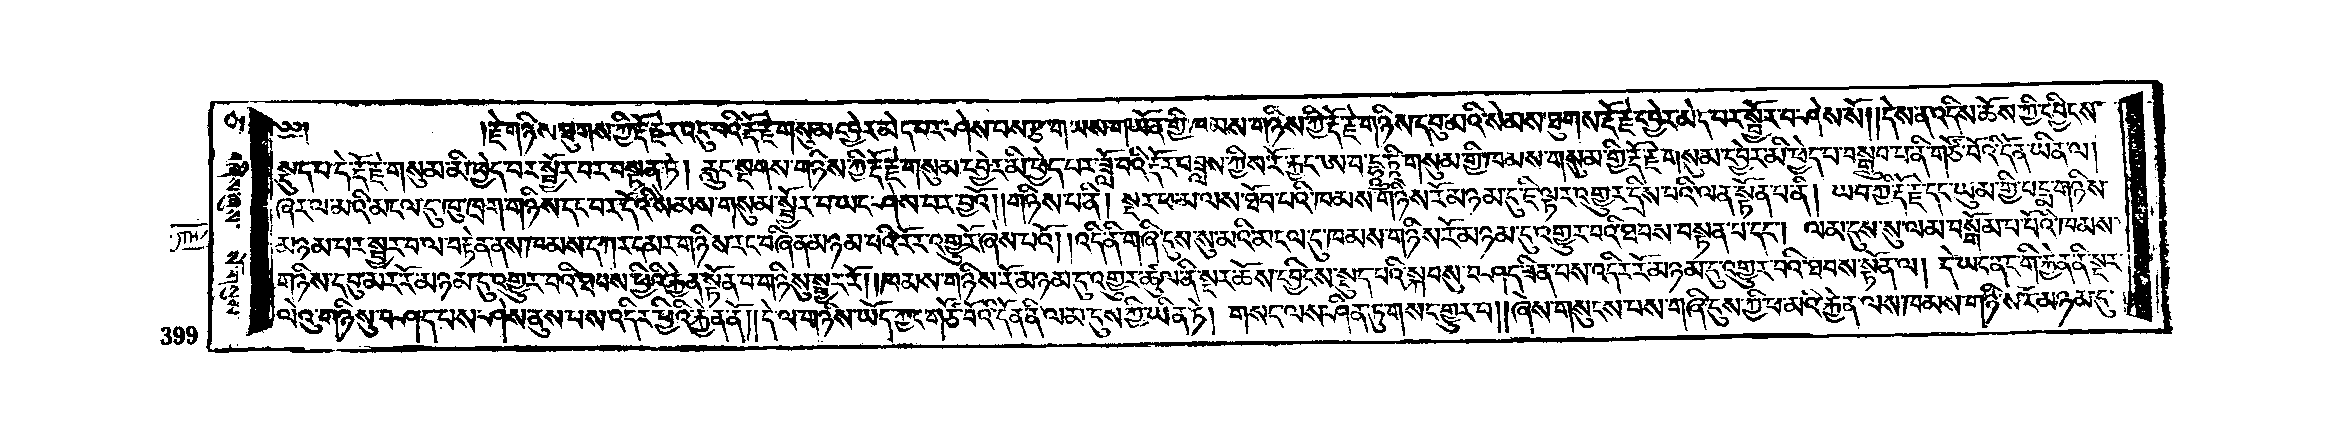༄༅། །རྗེ་གཉིས་ཐུགས་ཀྱི་རྡོ་རྗེར་འདུ་བའི་རྡོ་རྗེ་གསུམ་དབྱེར་མེད་པར་ཤེས་པས་རྩ་གཡས་གཡོན་གྱི་ཁམས་གཉིས་ཀྱི་རྡོ་རྗེ་གཉིས་དབུ་མའི་སེམས་ཐུགས་རྡོ་རྗེ་དབྱེར་མེད་པར་སྦྱོར་བ་ཤེས་སོ། །དེས་ན་འདིས་ཆོས་ཀྱི་དབྱིངས་
སྡུད་པ་དེ་རྡོ་རྗེ་གསུམ་མི་ཕྱེད་པར་སྦྱོར་བར་བསྟན་ཏེ། རླུང་སྔགས་གཉིས་ཀྱི་རྡོ་རྗེ་གསུམ་དབྱེར་མི་ཕྱེད་པར་ཟློ་བའི་རྡོར་བཟླས་ཀྱིས་རོ་རྐྱང་ཨ་བ་དྷཱུ་ཏཱི་གསུམ་གྱི་ཁམས་གསུམ་གྱི་རྡོ་རྗེ་གསུམ་དབྱེར་མི་ཕྱེད་པ་བསྒྲུབ་པ་ནི་གཙོ་བོའི་དོན་ཡིན་ལ།
ཞར་ལ་མའི་མངལ་དུ་ཁུ་ཁྲག་གཉིས་དང་བར་དོའི་སེམས་གསུམ་སྦྱོར་བ་ཡང་ཤེས་པར་བྱའོ། །གཉིས་པ་ནི། སྔར་ཕ་མ་ལས་ཐོབ་པའི་ཁམས་གཉིས་རོ་མཉམ་དུ་ཇི་ལྟར་འགྱུར་དྲིས་པའི་ལན་སྟོན་པ་ནི། ཡབ་ཀྱི་རྡོ་རྗེ་དང་ཡུམ་གྱི་པདམ་གཉིས་
མཉམ་པར་སྦྱར་བ་ལ་བརྟེན་ནས་ཁམས་དཀར་དམར་གཉིས་རང་བཞིན་མཉམ་པའི་རོར་འགྱུར་རོ་ཞེས་པའོ། །འདི་ནི་གཞི་དུས་སུ་མའི་མངལ་དུ་ཁམས་གཉིས་རོ་མཉམ་དུ་འགྱུར་བའི་ཐབས་བསྟན་པ་དང་། ལམ་དུས་སུ་ལམ་བསྒོམ་པ་པོའི་ཁམས་
གཉིས་དབུ་མར་རོ་མཉམ་དུ་འགྱུར་བའི་ཐབས་ཕྱིའི་རྐྱེན་སྟོན་པ་གཉིས་སུ་སྦྱར་རོ། །ཁམས་གཉིས་རོ་མཉམ་དུ་འགྱུར་ཚུལ་ནི་སྔར་ཆོས་དབྱིངས་སྡུད་པའི་སྐབས་སུ་བཤད་ཟིན་པས་འདིར་རོ་མཉམ་དུ་འགྱུར་བའི་ཐབས་སྟོན་ལ། དེ་ཡང་ནང་གི་རྐྱེན་ནི་སྔར་
ལེའུ་གཉིས་སུ་བཤད་པས་ཤེས་ནུས་པས་འདིར་ཕྱིའི་རྐྱེན་ནོ། །དེ་ལ་གཉིས་ཡོད་ཀྱང་གཙོ་བོའི་དོན་ནི་ལམ་དུས་ཀྱི་ཡིན་ཏེ། གསང་ལས་ཤིན་ཏུ་གསང་གྱུར་པ། །ཞེས་གསུངས་པས་གཞི་དུས་ཀྱི་ཕ་མའི་རྐྱེན་ལས་ཁམས་གཉིས་རོ་མཉམ་དུ་